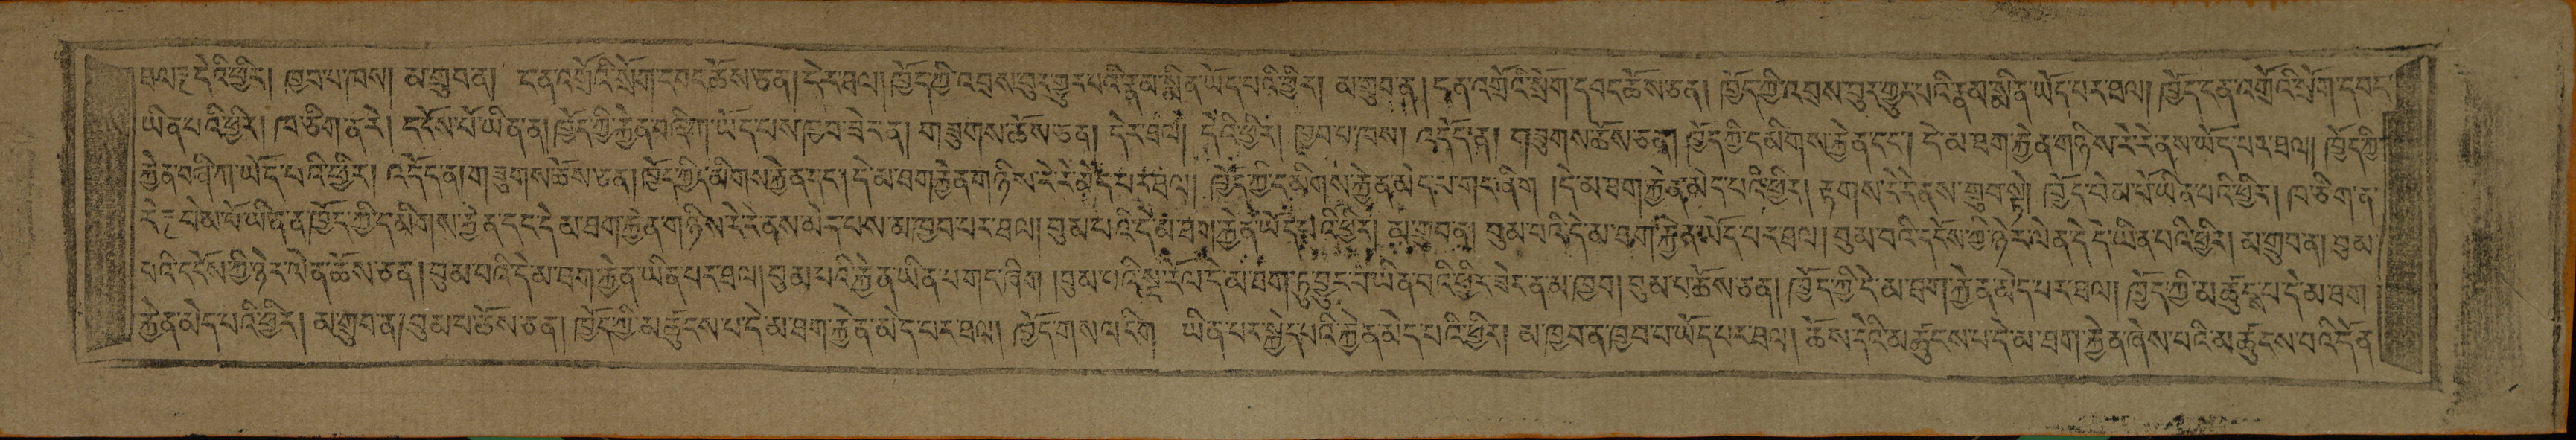ཐལ༑ དེའི་ཕྱིར། ཁྱབ་པ་ཁས། མ་གྲུབ་ན། ངན་འགྲོའི་སྲོག་དབང་ཆོས་ཅན། དེར་ཐལ། ཁྱོད་ཀྱི་འབྲས་བུར་གྱུར་པའི་རྣམ་སྨིན་ཡོད་པའི་ཕྱིར། མ་གྲུབ་ན། ངན་འགྲོའི་སྲོག་དབང་ཆོས་ཅན། ཁྱོད་ཀྱི་འབྲས་བུར་གྱུར་པའི་རྣམ་སྨིན་ཡོད་པར་ཐལ། ཁྱོད་ངན་འགྲོའི་སྲོག་དབང་
ཡིན་པའི་ཕྱིར། ཁ་ཅིག་ན་རེ། དངོས་པོ་ཡིན་ན། ཁྱོད་ཀྱི་རྐྱེན་བཞི་ཀ་ཡོད་པས་ཁྱབ་ཟེར་ན། གཟུགས་ཆོས་ཅན། དེར་ཐལ། དེའི་ཕྱིར། ཁྱབ་པ་ཁས། འདོད་ན། གཟུགས་ཆོས་ཅན། ཁྱོད་ཀྱི་དམིགས་རྐྱེན་དང་། དེ་མ་ཐག་རྐྱེན་གཉིས་རེ་རེ་ནས་ཡོད་པར་ཐལ། ཁྱོད་ཀྱི་
རྐྱེན་བཞི་ཀ་ཡོད་པའི་ཕྱིར། འདོད་ན། གཟུགས་ཆོས་ཅན། ཁྱོད་ཀྱི་དམིགས་རྐྱེན་དང་། དེ་མ་ཐག་རྐྱེན་གཉིས་རེ་རེ་མེད་པར་ཐལ། ཁྱོད་ཀྱི་དམིགས་རྐྱེན་མེད་པ་གང་ཞིག །དེ་མ་ཐག་རྐྱེན་མེད་པའི་ཕྱིར། རྟགས་རེ་རེ་ནས་གྲུབ་སྟེ། ཁྱོད་བེམ་པོ་ཡིན་པའི་ཕྱིར། ཁ་ཅིག་ན་
རེ༑ བེམ་པོ་ཡིན་ན་ཁྱོད་ཀྱི་དམིགས་རྐྱེན་དང་དེ་མ་ཐག་རྐྱེན་གཉིས་རེ་རེ་ནས་མེད་པས་མ་ཁྱབ་པར་ཐལ། བུམ་པའི་དེ་མ་ཐག་རྐྱེན་ཡོད་པའི་ཕྱིར། མ་གྲུབ་ན། བུམ་པའི་དེ་མ་ཐག་རྐྱེན་ཡོད་པར་ཐལ། བུམ་པའི་དངོས་ཀྱི་ཉེར་ལེན་དེ་དེ་ཡིན་པའི་ཕྱིར། མ་གྲུབ་ན། བུམ་
པའི་དངོས་ཀྱི་ཉེར་ལེན་ཆོས་ཅན། བུམ་པའི་དེ་མ་ཐག་རྐྱེན་ཡིན་པར་ཐལ། བུམ་པའི་རྐྱེན་ཡིན་པ་གང་ཞིག །བུམ་པའི་སྔ་རོལ་དེ་མ་ཐག་ཏུ་བྱུང་བ་ཡིན་པའི་ཕྱིར་ཟེར་ན་མ་ཁྱབ། བུམ་པ་ཆོས་ཅན། ཁྱོད་ཀྱི་དེ་མ་ཐག་རྐྱེན་མེད་པར་ཐལ། ཁྱོད་ཀྱི་མཚུངས་པ་དེ་མ་ཐག་
རྐྱེན་མེད་པའི་ཕྱིར། མ་གྲུབ་ན། བུམ་པ་ཆོས་ཅན། ཁྱོད་ཀྱི་མཚུངས་པ་དེ་མ་ཐག་རྐྱེན་མེད་པར་ཐལ། ཁྱོད་གསལ་རིག །ཡིན་པར་སྐྱེད་པའི་རྐྱེན་མེད་པའི་ཕྱིར། མ་ཁྱབ་ན་ཁྱབ་པ་ཡོད་པར་ཐལ། ཆོས་དེའི་མཚུངས་པ་དེ་མ་ཐག་རྐྱེན་ཞེས་པའི་མཚུངས་པའི་དོན་